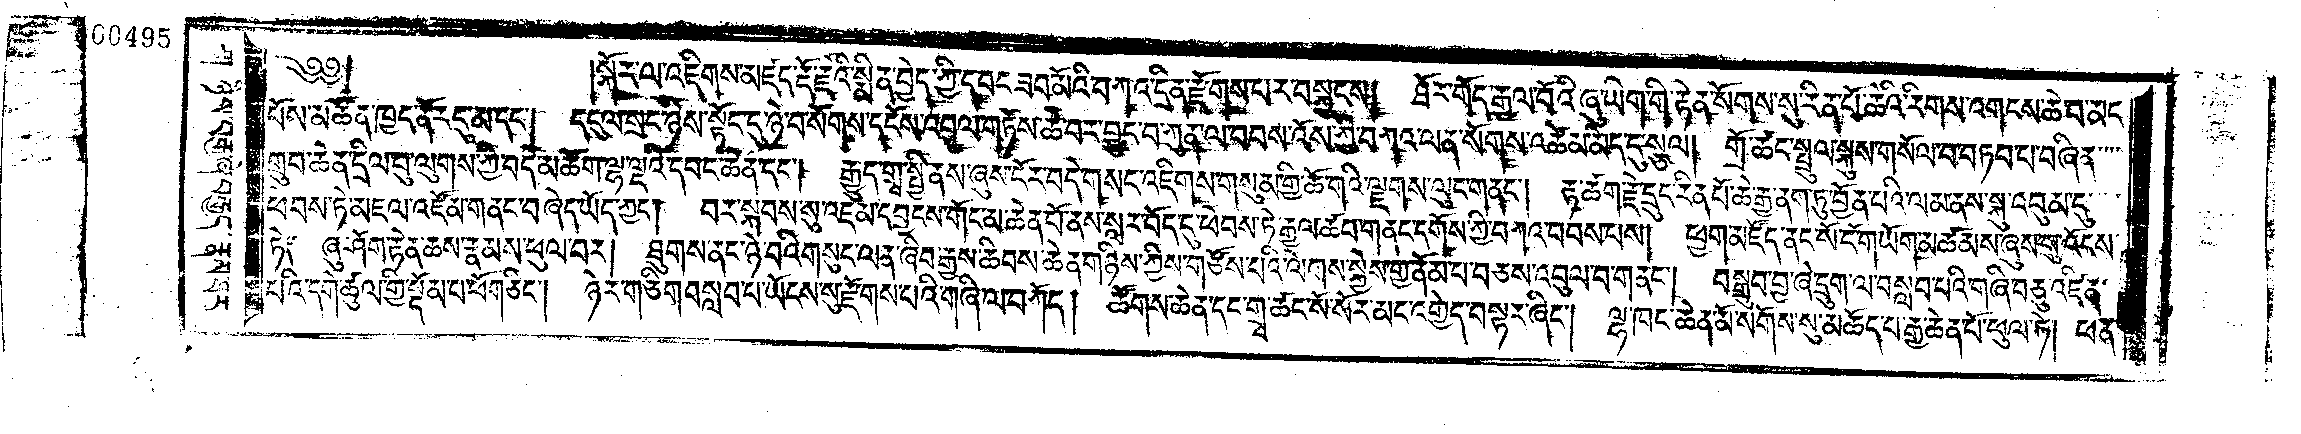༄༅། །སྐོར་ལ་འཇིགས་མཛད་རྡོ་རྗེའི་སྨིན་བྱེད་ཀྱི་དབང་ཟབ་མོའི་བཀའ་དྲིན་རྫོགས་པར་བསྐྱངས། ཐོར་གོད་རྒྱལ་པོའི་ཞུ་ཡིག་གི་རྟེན་སོགས་སུ་རིན་པོ་ཆེའི་རིགས་འགངས་ཆེ་བ་མང་
པོས་མཚོན་ཁྱད་ནོར་དུ་མ་དང་། དངུལ་སྲང་ཉིས་སྟོང་དུ་ཉེ་བ་སོགས་དངོས་འབུལ་གཏོས་ཆེ་བར་བྱུང་བ་ཀུན་ལ་བབས་འོས་ཀྱི་བཀའ་ལན་སོགས་འཚེམ་མེད་དུ་སྩལ། གྲོ་ཚང་སྤྲུལ་སྐུས་གསོལ་བ་བཏབ་པ་བཞིན་
གྲུབ་ཆེན་དྲིལ་བུ་ལུགས་ཀྱི་བདེ་མཆོག་ལྷ་ལྔའི་དབང་ཆེན་དང་། རྒྱུད་གྲྭ་སྤྱི་ནས་ཞུས་ངོར་བདེ་གསང་འཇིགས་གསུམ་གྱི་ཆོ་གའི་ལྗགས་ལུང་གནང་། རྟ་ཚག་རྗེ་དྲུང་རིན་པོ་ཆེ་རྒྱ་ནག་ཏུ་བྱོན་པའི་ལམ་ནས་སྐུ་འབུམ་དུ་
ཕེབས་ཏེ་མཇལ་འཛོམ་གནང་བཞེད་ཡོད་ཀྱང་། བར་སྐབས་སུ་འཇམ་དབྱངས་གོང་མ་ཆེན་པོ་ནས་སླར་བོད་དུ་ཕེབས་ཏེ་རྒྱལ་ཚབ་གནང་དགོས་ཀྱི་བཀའ་བབས་པས། ཕྱག་མཛོད་ནང་སོ་ངོ་གཡོག་མཚམས་ཞུས་སུ་འོངས་
ཏེ༑ ཞུ་ཤོག་རྟེན་ཆས་རྣམས་ཕུལ་བར། ཐུགས་ནང་ཉེ་བའི་གསུང་ལན་ཞིབ་རྒྱས་ཆིབས་ཆེན་གཉིས་ཀྱིས་གཙོས་པའི་ལེགས་སྐྱེས་གྱ་ནོམ་པ་བཅས་འབུལ་བ་གནང་། བསྒྲུབ་བྱ་ཞེ་དྲུག་ལ་བསླབ་པའི་གཞི་བཅུ་འཛིན་
པའི་དགེ་ཚུལ་གྱི་སྡོམ་པ་ཕོག་ཅིང་། ཉེར་གཅིག་བསླབ་པ་ཡོངས་སུ་རྫོགས་པའི་གཞི་ལ་བཀོད། ཚོགས་ཆེན་དང་གྲྭ་ཚང་སོ་སོར་མང་འགྱེད་བསྟར་ཞིང་། ལྷ་ཁང་ཆེན་མོ་སོགས་སུ་མཆོད་པ་རྒྱ་ཆེན་པོ་ཕུལ་ཏེ། ཕན་